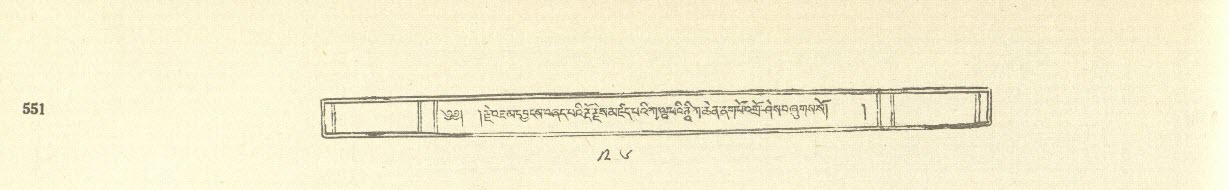༄༅། །རྗེ་འཇམ་དབྱངས་བཞད་པའི་རྡོ་རྗེས་མཛད་པའི་ཀ་ལཱ་པའི་ཊཱི་ཀ་ཆེན་ནག་པོ་འགྲོ་ཤེས་བཞུགས་སོ། །